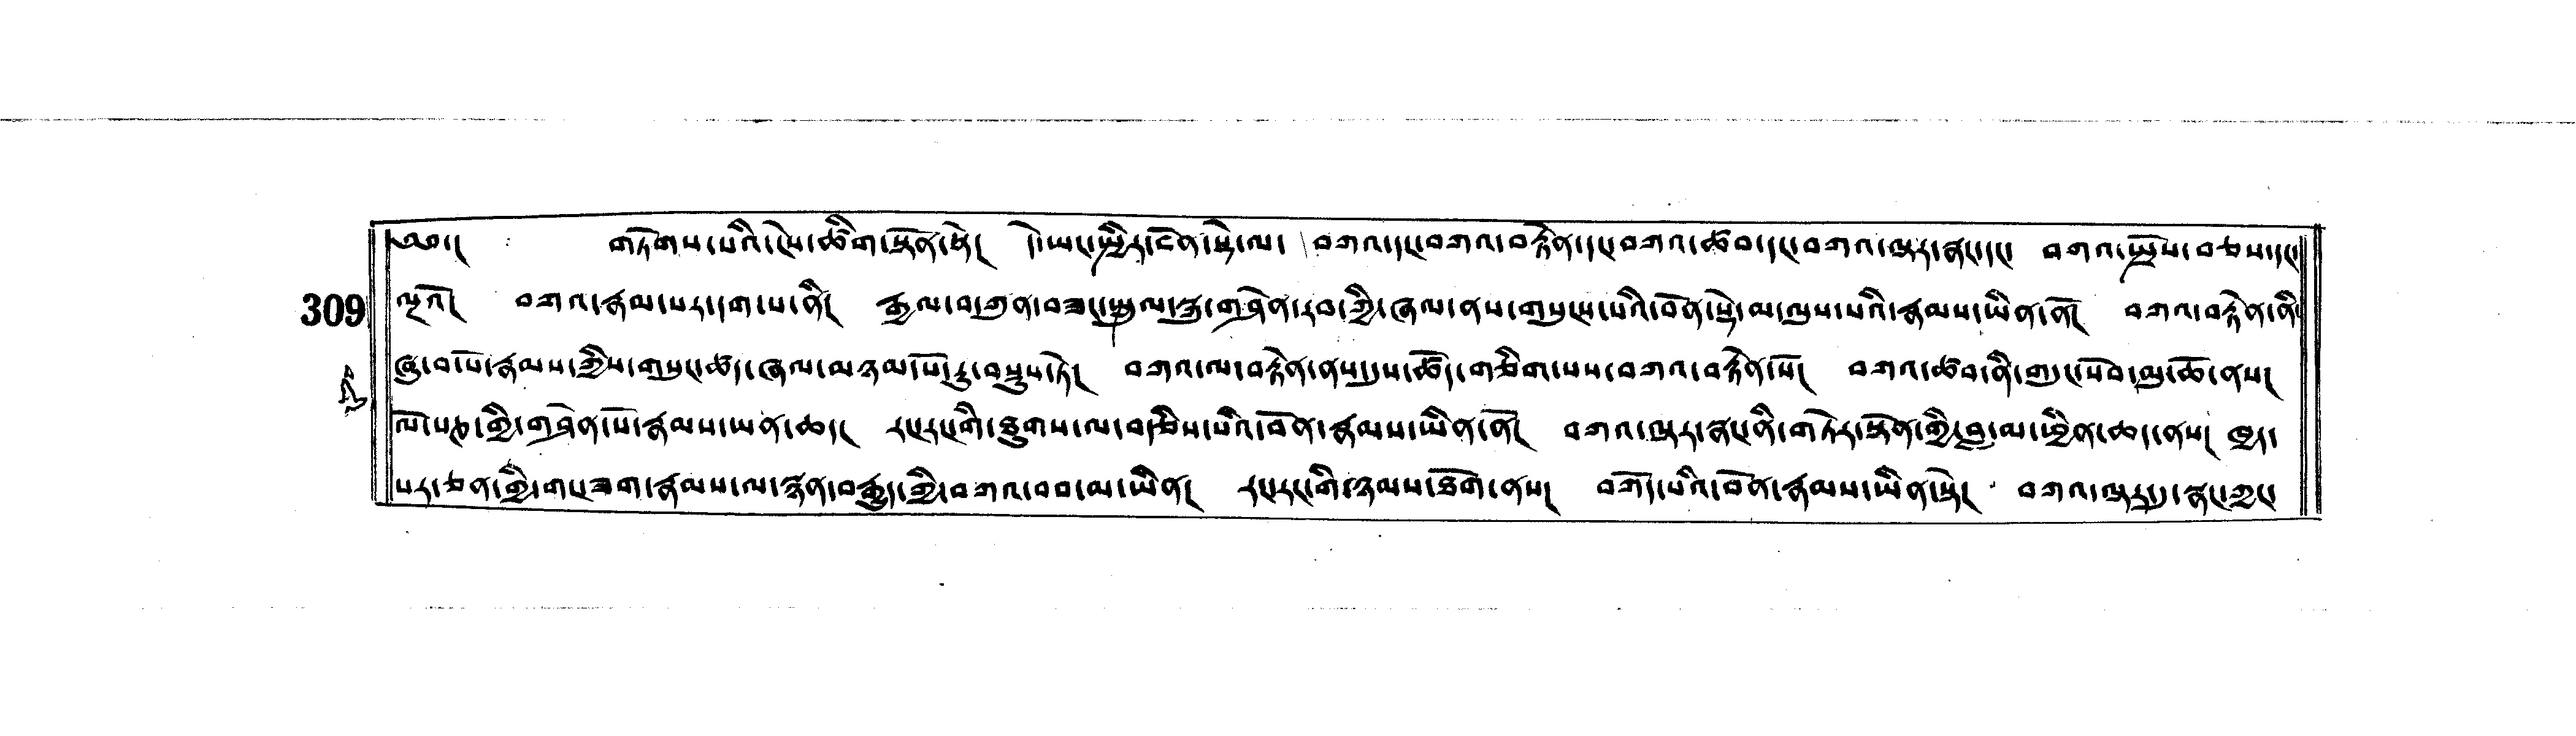གཏོགས་པའི་ངེས་ཚིག་སྟོན་ཏེ། དེ་ཡང་སྤྱིར་བོན་སྡེ་ལ། བཀའ་དང་བཀའ་བརྟེན་དང་བཀའ་ཚབ་དང་བཀའ་ལྟར་སྣང་དང། བཀའ་སྤྲོས་བཅས་དང་
ལྔའོ། བཀའ་རྣམ་པར་དག་པ་ནི། རྒྱལ་བ་ཀུན་བཟང་སྤྲུལ་སྐུ་གཤེན་རབ་ཀྱི་ཞལ་ནས་གསུངས་པའི་བོན་སྡེ་མ་ལུས་པ་རྣམས་ཡིན་ནོ། བཀའ་བརྟེན་ནི་
ཞུ་བ་པོ་རྣམས་ཀྱི་གསུང་ཚད་ཞལ་མཉམ་པོ་རུ་བསྡུས་ཏེ། བཀའ་ལ་བརྟེན་ནས་དུས་ཚོད་གཅིག་པས་བཀའ་བརྟེན་ནོ། བཀའ་ཚབ་ནི་གདུང་སོབ་མུ་ཆོ་ནས། 
ལོ་པཎ་གྱི་གཤེན་པོ་རྣམས་ཡན་ཆད། རང་རང་གི་ཐུགས་ལ་རྩིས་པའི་བོན་རྣམས་ཡིན་ནོ། བཀའ་ལྟར་སྣང་ནི་གཏེར་སྟོན་གྱི་བླ་མ་ཕྱིན་ཆད་ནས། ཁྱད་
པར་ཅན་གྱི་གང་ཟག་གི་སྙན་རྒྱུད་ཀྱི་བཀའ་བབས་མ་ཡིན། རང་རང་གི་ཉམས་ཐོག་ནས། བཀོད་པའི་བོན་རྣམས་ཡིན་ཏེ། བཀའ་ལྟར་དུ་སྣང་ཀྱང་